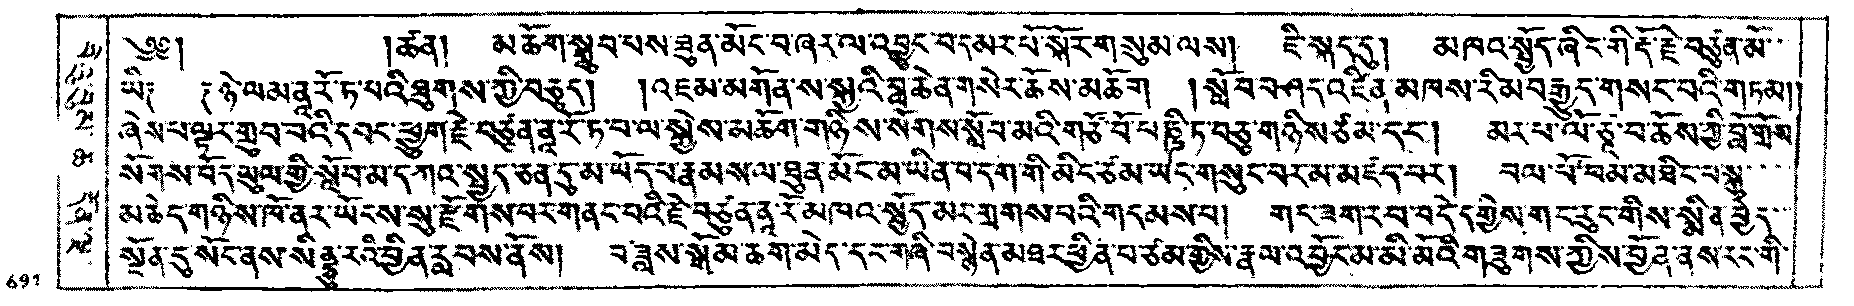༄༅། །ཚན། མཆོག་སྒྲུབ་པས་ཐུན་མོང་བ་ཞར་ལ་འབྱུང་བ་དམར་པོ་སྐོར་གསུམ་ལས། ཇི་སྐད་དུ། མཁའ་སྤྱོད་ཞིང་གི་རྡོ་རྗེ་བཙུན་མོ་
ཡི༑ ༑ཉེ་ལམ་ནཱ་རོ་ཏ་པའི་ཐུགས་ཀྱི་བཅུད། །འཇམ་མགོན་ས་སྐྱའི་བླ་ཆེན་གསེར་ཆོས་མཆོག །སློབ་བཤད་འཛིན་མཁས་རིམ་བརྒྱུད་གསང་བའི་གཏམ།
ཞེས་པ་ལྟར་གྲུབ་པའི་དབང་ཕྱུག་རྗེ་བཙུན་ནཱ་རོ་ཏ་པ་ལ་སྐྱེས་མཆོག་གཉིས་སོགས་སློབ་མའི་གཙོ་བོ་པཎྜི་ཏ་བཅུ་གཉིས་ཙམ་དང་། མར་པ་ལོ་ཙཱ་བ་ཆོས་ཀྱི་བློ་གྲོས་
སོགས་བོད་ཡུལ་གྱི་སློབ་མ་དཀའ་སྤྱད་ཅན་དུ་མ་ཡོད་པ་རྣམས་ལ་ཐུན་མོང་མ་ཡིན་པ་དག་གི་མིང་ཙམ་ཡང་གསུང་བར་མ་མཛད་པར། བལ་པོ་ཕམ་མཐིང་པ་སྐུ་
མཆེད་གཉིས་ཁོ་ནར་ཡོངས་སུ་རྫོགས་པར་གནང་བའི་རྗེ་བཙུན་ནཱ་རོ་མཁའ་སྤྱོད་མར་གྲགས་པའི་གདམས་པ། གང་ཟག་རབ་བདེ་དགྱེས་གང་རུང་གིས་སྨིན་བྱེད་
སྔོན་དུ་སོང་ནས་སིནྡྷུ་རའི་བྱིན་རླབས་ནོས། བཟླས་སྒོམ་ཆག་མེད་དང་གཞི་བསྙེན་མཐར་ཕྱིན་པ་ཙམ་གྱིས་རྣལ་འབྱོར་མ་མི་མོའི་གཟུགས་ཀྱིས་བྱོན་ནས་རང་གི་